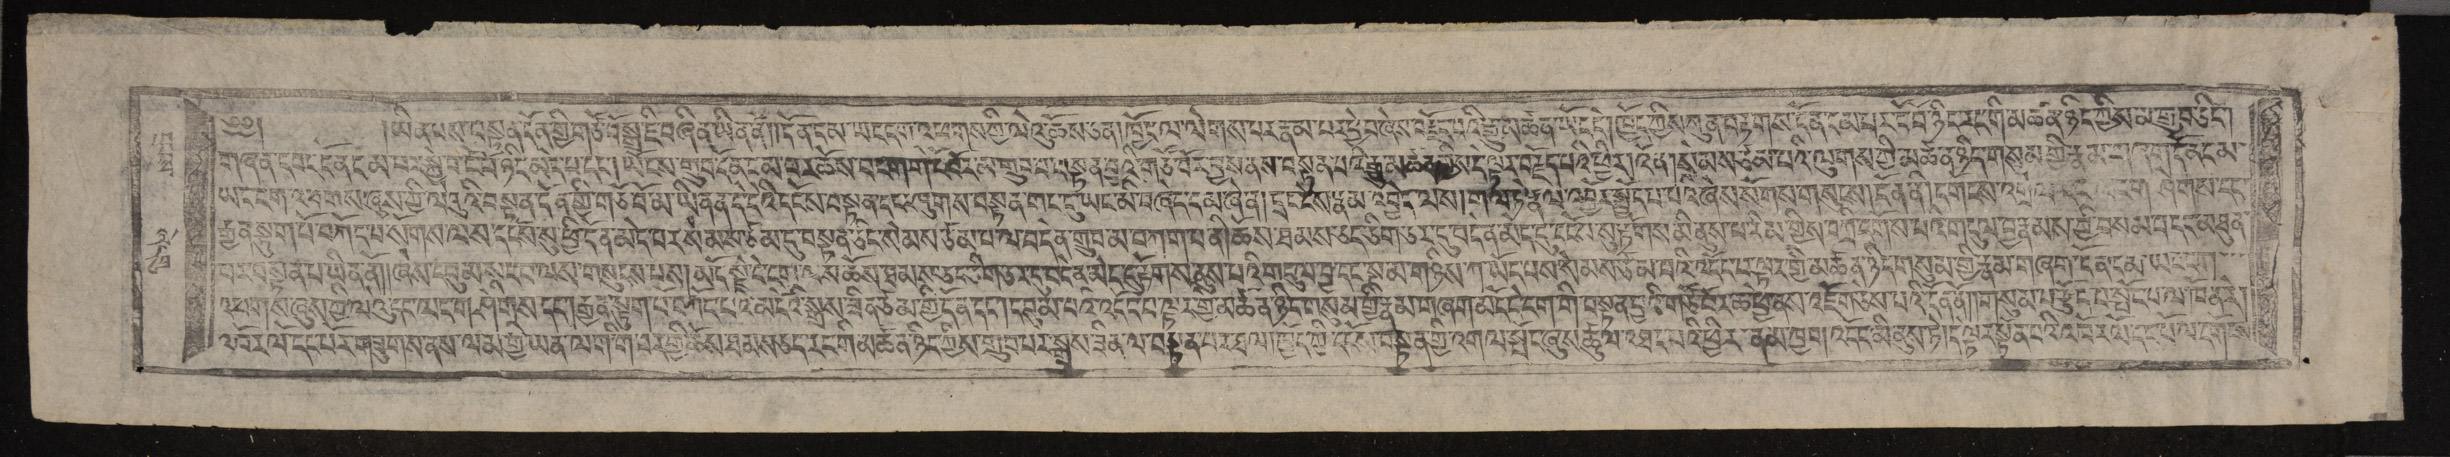༄༅། །ཡིན་པས་བསྟན་དོན་གྱི་གཙོ་བོ་སྒྲ་ཇི་བཞིན་ཡིན་ནོ། །དོན་དམ་ཡང་དག་འཕགས་ཀྱི་ལེའུ་ཆོས་ཅན། ཁྱོད་ལ་ལེགས་པར་རྣམ་པར་ཕྱེ་བ་ཞེས་བརྗོད་པའི་རྒྱུ་མཚན་ཡོད་དེ། ཁྱོད་ཀྱིས་ཀུན་བརྟགས་དོན་དམ་པར་ངོ་བོ་ཉིད་རང་གི་མཚན་ཉིད་ཀྱིས་མ་གྲུབ་ཅིང་།
གཞན་དབང་དོན་དམ་པར་སྐྱེ་བ་ངོ་བོ་ཉིད་མེད་པ་དང་། ཡོངས་གྲུབ་དོན་དམ་པར་ཆོས་བདག་གི་ངོ་བོར་མ་གྲུབ་པ་བསྟན་བྱའི་གཙོ་བོར་བྱས་ནས་བསྟན་པའི་རྒྱུ་མཚན་གྱིས་དེ་ལྟར་བརྗོད་པའི་ཕྱིར། འོ་ན། སེམས་ཙམ་པའི་ལུགས་ཀྱི་མཚན་ཉིད་གསུམ་གྱི་རྣམ་གཞག་དོན་དམ་
ཡང་དག་འཕགས་ཞུས་ཀྱི་ལེའུའི་བསྟན་དོན་གྱི་གཙོ་བོ་མ་ཡིན་ན་དེ་དེའི་དངོས་བསྟན་དང་ཤུགས་བསྟན་གང་དུ་ཡང་མི་བཞེད་དམ་ཞེ་ན། དྲང་ངེས་རྣམ་འབྱེད་ལས། གལ་ཏེ་རྣལ་འབྱོར་སྤྱོད་པ་པའི་ཞེས་སོགས་གསུངས། དོན་ནི། དགོངས་འགྲེལ་དང་ལང་གཤེགས་དང་
རྒྱན་སྟུག་པོ་བཀོད་པ་སོགས་ལས་དངོས་སུ་ཕྱི་དོན་མེད་པར་སེམས་ཙམ་དུ་བསྟན་ཅིང་སེམས་ཙམ་པ་ལ་བདེན་གྲུབ་མ་བཀག་པ་ནི། ཆོས་ཐམས་ཅད་ཅིག་ཅར་དུ་བདེན་མེད་དུ་དངོས་སུ་རྟོགས་མི་ནུས་པ་རིམ་གྱིས་བཀྲི་དགོས་པའི་གདུལ་བྱ་རྣམས་ཀྱི་བསམ་པ་དང་མཐུན་
པར་བསྟན་པ་ཡིན་ནོ། །ཞེས་དབུ་མ་སྣང་བ་ལས་གསུངས་པས། མདོ་སྡེ་དེ་དག་ལས་ཆོས་ཐམས་ཅད་ཅིག་ཅར་དུ་བདེན་མེད་དུ་རྟོགས་ནུས་པའི་གདུལ་བྱ་དང་སྔ་མ་གཉིས་ཀ་ཡོད་པས་སེམས་ཙམ་པའི་འདོད་པ་ལྟར་གྱི་མཚན་ཉིད་གསུམ་གྱི་རྣམ་གཞག་དོན་དམ་ཡང་དག་
འཕགས་ཞུས་ཀྱི་ལེའུ་དང་ལང་གཤེགས་དང་། རྒྱན་སྟུག་པོ་བཀོད་པའི་མདོའི་སྒྲས་ཟིན་ཙམ་གྱི་དོན་དང་། དབུ་མ་པའི་འདོད་པ་ལྟར་གྱི་མཚན་ཉིད་གསུམ་གྱི་རྣམ་གཞག་མདོ་དེ་དག་གི་བསྟན་བྱའི་གཙོ་བོར་ཆ་ཕྱེ་ནས་འཇོག་ཅེས་པའི་དོན་ནོ། །གསུམ་པ་རྩོད་པ་སྤོང་བ་ལ་ཁོ་ན་རེ།
འཁོར་ལོ་དང་བོར་གཟུགས་ནས་ལམ་གྱི་ཡན་ལག་གི་བར་གྱི་ཆོས་ཐམས་ཅད་རང་གི་མཚན་ཉིད་ཀྱིས་གྲུབ་པར་སྒྲས་ཟིན་ལ་བསྟན་པར་ཐལ། ཁྱོད་ཀྱི་དངོས་བསྟན་གྱི་འགལ་སྤོང་ཞུས་ཚུལ་འཐད་པའི་ཕྱིར་ན་མ་ཁྱབ། འདོད་མི་ནུས་ཏེ། དེ་ལྟར་སྟོན་པའི་འཁོར་ལོ་དང་པོ་ལ་དགོངས་